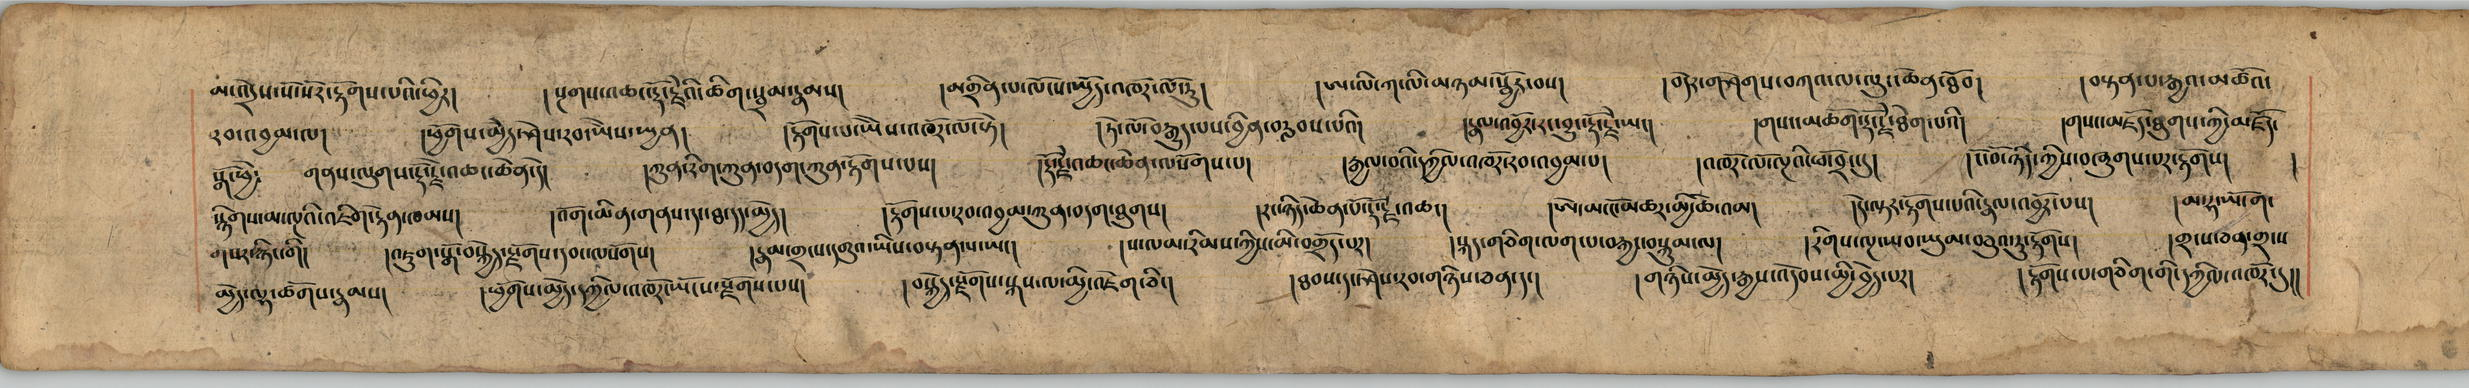མ་འདྲེས་སོ་སོར་རྟོགས་པའི་ཕྱིར། །སྔགས་འཆང་རྡོ་རྗེའི་ཚིག་སྦྲམ་རྣམས། །མགྲིན་པ་ལོངས་སྤྱོད་འཁོར་ལོ་རུ། །ཨ ལི་ཀ་ལི་མཉམ་སྦྱོར་བས། །བདེར་གཤེགས་བཀའ་ལ་ལུང་ཆེན་ཐོབ། །བསྟན་པ་རྒྱའ་མཚོའ་
རབ་འབྱམ་ལ། །ཕྱོགས་མྱེད་ཤེས་རབ་ཡཻས་སྤྱན། །རྟོགས་པ་ཡཻས་འཁོར་ལོ་སྟེ། །ཏེ་ལོ་བརྒྱུད་པས་བྱིན་བརླབས་པའི། །རྣལ་འབྱོར་རང་བྱུང་རྡོ་རྗེ་ཡང། །གསང་མཆོག་རྡོ་རྗེ་ཐེག་པའི། །གསང་མཛོད་ཐུགས་ཀྱི་མཛོད་
སྒོ་ཕྱེ༴ གནས་ལུགས་རྡོ་རྗེ་འཆང་ཆེན་དེ། །ཀུན་རིག་ཀུན་བདག་ཀུན་རྟོགས་པས། །རྡོ་རྗེ་འཆང་ཆེན་ལསོགས་པ། །རྒྱལ་བའི་དཀྱིལ་འཁོར་རབ་འབྱམ་པ། །འཁོར་ལོ་ལྔའི་ཕོ་བྲང་དུ། །ངོ་བོ་ཉིད་ཀྱིས་བཞུགས་པར་རྟོགས།
སྙིགས་མ་ལྔའི་འཇིག་རྟེན་ཁམས། །འོག་མིན་གནས་དང་ཐ་དད་མྱེད། །རྟོགས་པ་རབ་འབྱམ་ཀུན་བདག་ཐུགས། །རང་ཉིད་ཆེན་པོ་རྡོ་རྗེ་འཆང། །ཨེ་མ་ངོ་མཚར་མྱི་ཆེ་འམ། །དེ་ལྟར་རྟོགས་པའི་རྣལ་འབྱོར་པས། །མ་ཧ་ཡོ་ག་
གསར་རྙིང་གི། །འཇུག་སྒོ་བསྐྱེད་སྫོགས་དབང་ལསོགས། །རྣམ་གྲངས་དགུའ་ཡིས་བསྟན་པ་ཡང། །ས་ལམ་རིམས་ཀྱིས་མི་བགྲོད་པར། །སྐད་གཅིག་ལག་པ་བརྐྱང་བསྐུམ་ལ། །རོགས་ལྔ་ཡབ་ཡུམ་བཅུའ་རུ་རྟོགས། །གྲངས་ཅན་གྲངས
མྱེད་ལྷ་ཚོགས་རྣམས། །ཕྱོགས་མྱེད་དཀྱིལ་འཁོར་ཡོངས་སྫོགས་པས། །བསྐྱེད་སྫོགས་སྐས་ལ་མྱི་འཛེག་ཅིང། །ཐབས་དང་ཤེས་རབ་གཉིས་ཅན་དང། གཉིས་མྱེད་རྒྱས་འདེབས་མྱི་བྱེད་པར། །རྟོགས་པ་གཅིག་གི་དཀྱིལ་འཁོར་དུ།།